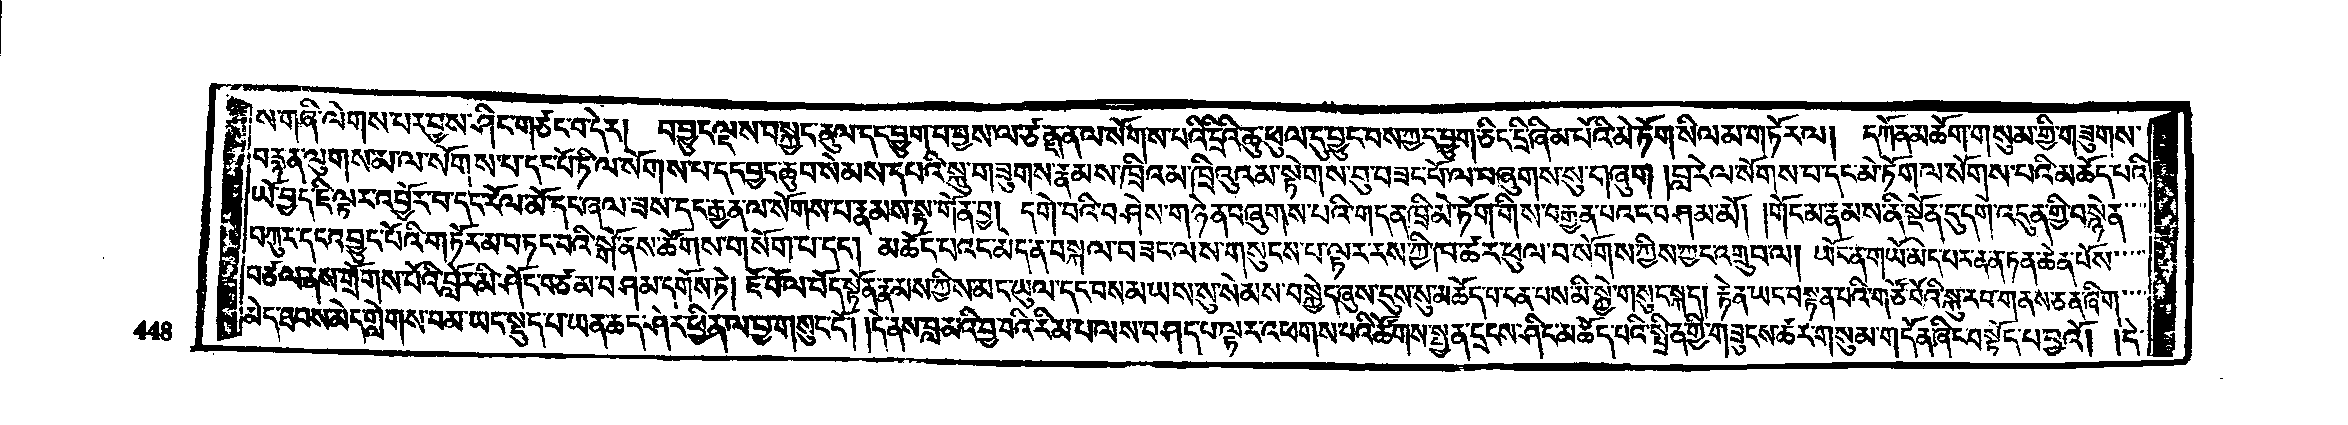ས་གཞི་ལེགས་པར་བྱས་ཤིང་གཙང་བ་དེར། བ་བྱུང་ལྔས་བསྐྱང་ནུལ་དང་བྱུག་པ་བྱས་ལ་ཙནདན་ལ་སོགས་པའི་དྲིའི་ཆུ་ཕུལ་དུ་བྱུང་བས་ཀྱང་བྱུག་ཅིང་དྲི་ཞིམ་པོའི་མེ་ཏོག་སིལ་མ་གཏོར་ལ། དཀོན་མཆོག་གསུམ་གྱི་གཟུགས་
བརྙན་ལུགས་མ་ལ་སོགས་པ་དང་པོ་ཏི་ལ་སོགས་པ་དང་བྱང་ཆུབ་སེམས་དཔའི་སྐུ་གཟུགས་རྣམས་ཁྲིའམ་ཁྲིའུའམ་སྟེགས་བུ་བཟང་པོ་ལ་བཞུགས་སུ་གཞུག །བླ་རེ་ལ་སོགས་པ་དང་མེ་ཏོག་ལ་སོགས་པའི་མཆོད་པའི་
ཡོ་བྱད་ཇི་ལྟར་འབྱོར་པ་དང་རོལ་མོ་དང་ཞལ་ཟས་དང་རྒྱན་ལ་སོགས་པ་རྣམས་སྟ་གོན་བྱ། དགེ་བའི་བཤེས་གཉེན་བཞུགས་པའི་གདན་ཁྲི་མེ་ཏོག་གིས་བརྒྱན་པའང་བཤམ་མོ། །གོང་མ་རྣམས་ནི་སྔོན་དུ་དགེ་འདུན་གྱི་བསྙེན་
བཀུར་དང་འབྱུང་པོའི་གཏོར་མ་བཏང་བའི་སྒོ་ནས་ཚོགས་གསོག་པ་དང་། མཆོད་པའང་མེད་ན་བསྐལ་བཟང་ལས་གསུངས་པ་ལྟར་རས་ཀྱི་ཁ་ཚར་ཕུལ་བ་སོགས་ཀྱིས་ཀྱང་འགྲུབ་ལ། ཡོད་ན་གཡོ་མེད་པར་ནན་ཏན་ཆེན་པོས་
བཙལ་ནས་གྲོགས་པོའི་བློར་མི་ཤོང་བ་ཙམ་བཤམ་དགོས་ཏེ། ཇོ་བོ་ལ་བོད་སྟོན་རྣམས་གྱིས་མང་ཡུལ་དང་བསམ་ཡས་སུ་སེམས་བསྐྱེད་ཞུས་དུས་སུ་མཆོད་པ་ངན་པས་མི་སྐྱེ་གསུང་སྐད། རྟེན་ཡང་བསྟན་པའི་གཙོ་བོའི་སྐུ་རབ་གནས་ཅན་ཞིག་
མེད་ཐབས་མེད་གླེགས་བམ་ཡང་སྡུད་པ་ཡན་ཆད་ཤེར་ཕྱིན་ལ་བྱ་གསུང་ངོ། །དེ་ནས་བླ་མའི་བྱ་བའི་རིམ་པ་ལས་བཤད་པ་ལྟར་འཕགས་པའི་ཚོགས་སྤྱན་དྲངས་ཤིང་མཆོད་པའི་སྤྲིན་གྱི་གཟུངས་ཚར་གསུམ་གདོན་ཞིང་བསྟོད་པ་བྱའོ། །དེ་